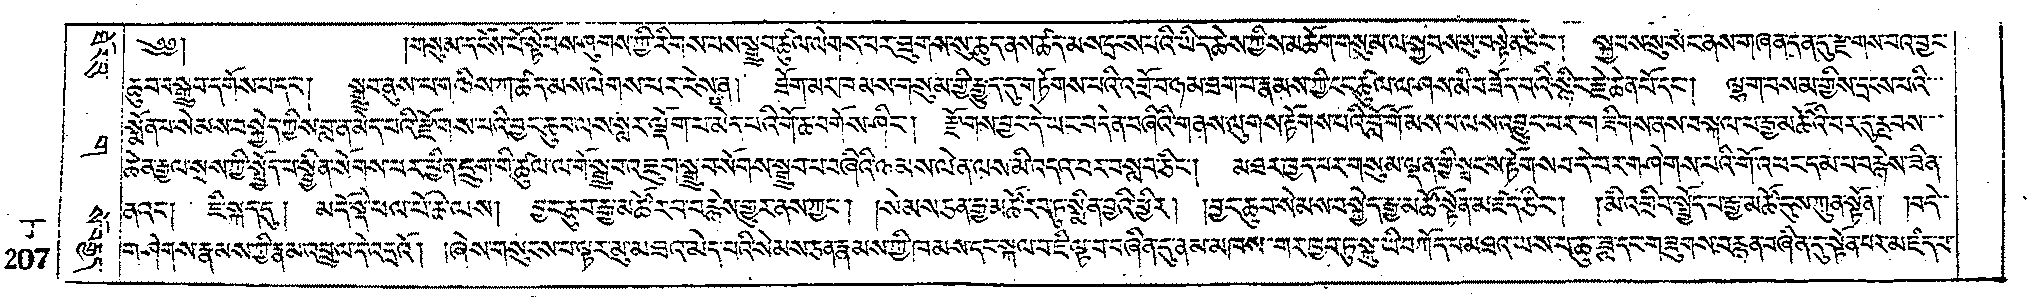༄༅། །གསུམ་དངོས་པོ་སྟོབས་ཤུགས་ཀྱི་རིགས་པས་སྒྲུབ་ཚུལ་ལེགས་པར་ཐུགས་སུ་ཆུད་ནས་ཚད་མས་དྲངས་པའི་ཡིད་ཆེས་ཀྱིས་མཆོག་གསུམ་ལ་སྐྱབས་སུ་བསྟེན་ཅིང་། སྐྱབས་སུ་སོང་ནས་གཞན་དོན་དུ་རྫོགས་པའི་བྱང་
ཆུབ་བསྒྲུབ་དགོས་པ་དང་། སྒྲུབ་ནུས་པ་གཉིས་ཀ་ཚད་མས་ལེགས་པར་ངེས་པ་ན། ཐོག་མར་ཁམས་གསུམ་གྱི་རྒྱུད་དུ་གཏོགས་པའི་འགྲོ་བ་ཉམ་ཐག་པ་རྣམས་ཀྱི་ངང་ཚུལ་ལ་ཤས་མི་བཟོད་པའི་སྙིང་རྗེ་ཆེན་པོ་དང་། ལྷག་བསམ་གྱིས་དྲངས་པའི་་་
སྨོན་པ་སེམས་བསྐྱེད་ཀྱིས་བླ་ན་མེད་པའི་རྫོགས་པའི་བྱང་ཆུབ་ལས་སླར་ལྡོག་པ་མེད་པའི་གོ་ཆ་བགོས་ཤིང་། རྫོགས་བྱང་དེ་ཡང་བདེན་བཞིའི་གནས་ལུགས་རྟོགས་པའི་བློ་གོམས་པ་ལས་འབྱུང་བར་གཟིགས་ནས་བསྐལ་པ་རྒྱ་མཚོའི་བར་དུ་རླབས་་་
ཆེན་རྒྱལ་སྲས་ཀྱི་སྤྱོད་པ་སྦྱིན་སོགས་ཕར་ཕྱིན་དྲུག་གི་ཚུལ་ལ་གོ་སྒྲུབ་འཇུག་སྒྲུབ་སོགས་སྒྲུབ་པ་བཞིའི་ཉམས་ལེན་ལས་མི་འདའ་བར་བསླབ་ཆིང་། མཐར་ཁྱད་པར་གསུམ་ལྡན་གྱི་སྤངས་རྟོགས་བདེ་བར་གཤེགས་པའི་གོ་འཕང་དམ་པ་བསྙེས་ཟིན་
ནའང་། ཇི་སྐད་དུ། མདོ་སྡེ་ཕལ་པོ་ཆེ་ལས། བྱང་ཆུབ་རྒྱ་མཚོ་རབ་བརྙེས་གྱུར་ནས་ཀྱང་། །སེམས་ཅན་རྒྱ་མཚོ་རབ་ཏུ་སྨིན་བྱའི་ཕྱིར། །བྱང་ཆུབ་སེམས་བསྐྱེད་རྒྱ་མཚོ་སྟོན་མཛད་ཅིང་། །མི་འགྲིབ་སྤྱོད་པ་རྒྱ་མཚོ་དུས་ཀུན་སྟོན། །བདེ་་་
གཤེགས་རྣམས་ཀྱི་རྣམ་འཕྲུལ་དེ་འདྲའོ། །ཞེས་གསུངས་པ་ལྟར་མུ་མཐའ་མེད་པའི་སེམས་ཅན་རྣམས་ཀྱི་ཁམས་དང་སྐལ་བ་ཇི་ལྟ་བ་བཞིན་དུ་ནམ་མཁས་གར་ཁྱབ་ཏུ་སྐུ་ཡི་བཀོད་པ་མཐའ་ཡས་པ་ཆུ་ཟླ་དང་གཟུགས་བརྙན་བཞིན་དུ་སྟོན་པར་མཛད་པ་